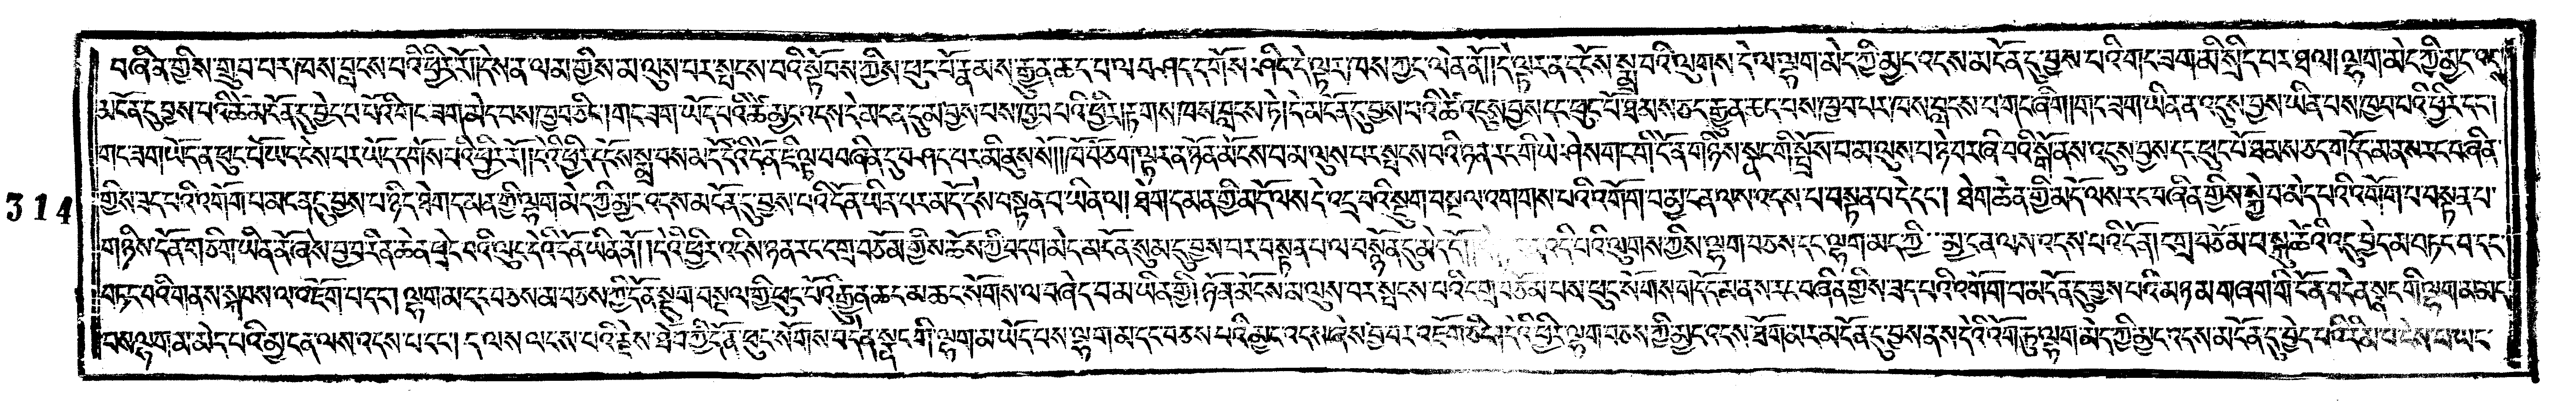བཞིན་གྱིས་གྲུབ་པར་ཁས་བླངས་པའི་ཕྱིར་རོ། །དེས་ན་ལམ་གྱིས་མ་ལུས་པར་སྤངས་བའི་སྟོབས་ཀྱིས་ཕུང་པོ་རྣམས་རྒྱུན་ཆད་བ་ལ་བཤད་དགོས་ཤིང་དེ་ལྟར་ཁས་ཀྱང་ལེན་ནོ། །དེ་ལྟར་ན་དངོས་སྨྲ་བའི་ལུགས་དེ་ལ་ལྷག་མེད་ཀྱི་མྱང་འདས་མངོན་དུ་བྱས་པའི་གང་ཟག་མི་སྲིད་པར་ཐལ། ལྷག་མེད་ཀྱི་མྱང་འདས་
མངོན་དུ་བྱས་པའི་ཚེ་མངོན་དུ་བྱེད་པ་པོའི་གང་ཟག་མེད་པས་ཁྱབ་ཅིང་། གང་ཟག་ཡོད་པའི་ཚེ་མྱང་འདས་དེ་མངན་དུ་མ་བྱས་པས་ཁྱབ་པའི་ཕྱིར། རྟགས་ཁས་བླངས་ཏེ། དེ་མངོན་དུ་བྱས་པའི་ཚེ་འདུས་བྱས་དང་ཕུང་པོ་ཐམས་ཅད་རྒྱུན་ཆད་པས་ཁྱབ་པར་ཁས་བླངས་པ་གང་ཞིག། གང་ཟག་ཡིན་ན་འདུས་བྱས་ཡིན་པས་ཁྱབ་པའི་ཕྱིར་དང་།
གང་ཟག་ཡོད་ན་ཕུང་པོ་ཡང་དེས་པར་ཡོད་དགོས་པའི་ཕྱིར་རོ། །དེའི་ཕྱིར་དངོས་སྨྲ་བས་མདོ་དེའི་དོན་ཇི་ལྟ་བ་བཞིན་དུ་བཤད་པར་མི་ནུས་སོ། །ཁོ་བོ་ཅག་ལྟར་ན་ཉོན་མོངས་བ་མ་ལུས་པར་སྤངས་པའི་ཉན་རང་གི་ཡེ་ཤེས་གང་གི་དོན་གཉིས་སྣང་གི་སྤྲོས་པ་མ་ལུས་པ་ཉེ་བར་ཞི་བའི་སྒོ་ནས་འདུས་བྱས་དང་ཕུང་པོ་ཐམས་ཅད་གདོད་མ་ནས་རང་བཞིན་
གྱིས་ཟད་པའི་འགོག་པ་མངན་དུ་བྱས་པ་ཉིད་ཐེག་དམན་གྱི་ལྷག་མེད་ཀྱི་མྱང་འདས་མངོན་དུ་བྱས་པའི་དོན་ཡིན་པར་མདོ་དེས་བསྟན་པ་ཡིན་ལ། ཐེག་དམན་གྱི་མདོ་ལས་དེ་འདྲ་བའི་སྡུག་བསྔལ་འགགས་པའི་འགོག་བ་མྱ་ངན་ལས་འདས་པ་བསྟན་པ་དེ་དང་། ཐེག་ཆེན་གྱི་མདོ་ལས་རང་བཞིན་གྱིས་སྐྱེ་བ་མེད་པའི་འགོག་པ་བསྟན་པ་
གཉིས་དོན་གཅིག་ཡིན་ནོ་ཞེས་བྱ་བ་རིན་ཆེན་ཕྲེང་བའི་ལུང་དེའི་དོན་ཡིན་ནོ། །དེའི་ཕྱིར་འདིས་ཉན་རང་དགྲ་བཅོམ་གྱིས་ཆོས་ཀྱི་བདག་མེད་མངོན་སུམ་དུ་བྱས་བར་བསྟན་པ་ལ་བསྙོན་དུ་མེད་དོ། །དེ་ལྟར་ན་འདི་པའི་ལུགས་ཀྱིས་ལྷག་བཅས་དང་ལྷག་མད་ཀྱི་མྱ་ངན་ལས་འདས་པའི་དོན། དགྲ་བཅོམ་པ་སྐུ་ཚེའི་འདུ་བྱེད་མ་བཏང་བ་དང་
བཏང་བའི་གནས་སྐབས་ལ་འཇོག་པ་དང་། ལྷག་མ་དང་བཅས་མ་བཅས་ཀྱི་དོན་སྡུག་བསྔལ་གྱི་ཕུང་པོའི་རྒྱུན་ཆད་མ་ཆད་སོགས་ལ་བཞེད་བ་མ་ཡིན་གྱི། ཉོན་མོངས་མ་ལུས་བར་སྤངས་པའི་དགྲ་བཅོམ་པས་ཕུང་སོགས་གདོད་མ་ནས་རང་བཞིན་གྱིས་ཟད་པའི་འགོག་པ་མངོན་དུ་བྱས་པའི་མཉམ་གཞག་གི་དོན་བདེན་སྣང་གི་ལྷག་མ་མང་
བས་ལྷག་མ་མེད་པའི་མྱ་ངན་ལས་འདས་པ་དང་། ད་ལས་འདས་?་པའི་རྗེས་ཐོབ་ཀྱི་དོན་ཕུང་སོགས་བདེན་སྣང་གི་ལྷག་མ་ཡོད་པས་ལྷག་མ་དང་བཅས་པའི་མྱང་འདས་ཞེས་བྱ་བར་འཇོག་ཅིང་། དེའི་ཕྱིར་ལྷག་བཅས་ཀྱི་མྱང་འདས་ཐོག་མར་མངོན་དུ་བྱས་ནས་དེའི་འོག་ཏུ་ལྷག་མེད་ཀྱི་མྱང་འདས་མངོན་དུ་བྱེད་པའི་རིམ་པ་དེས་པ་ཡང་